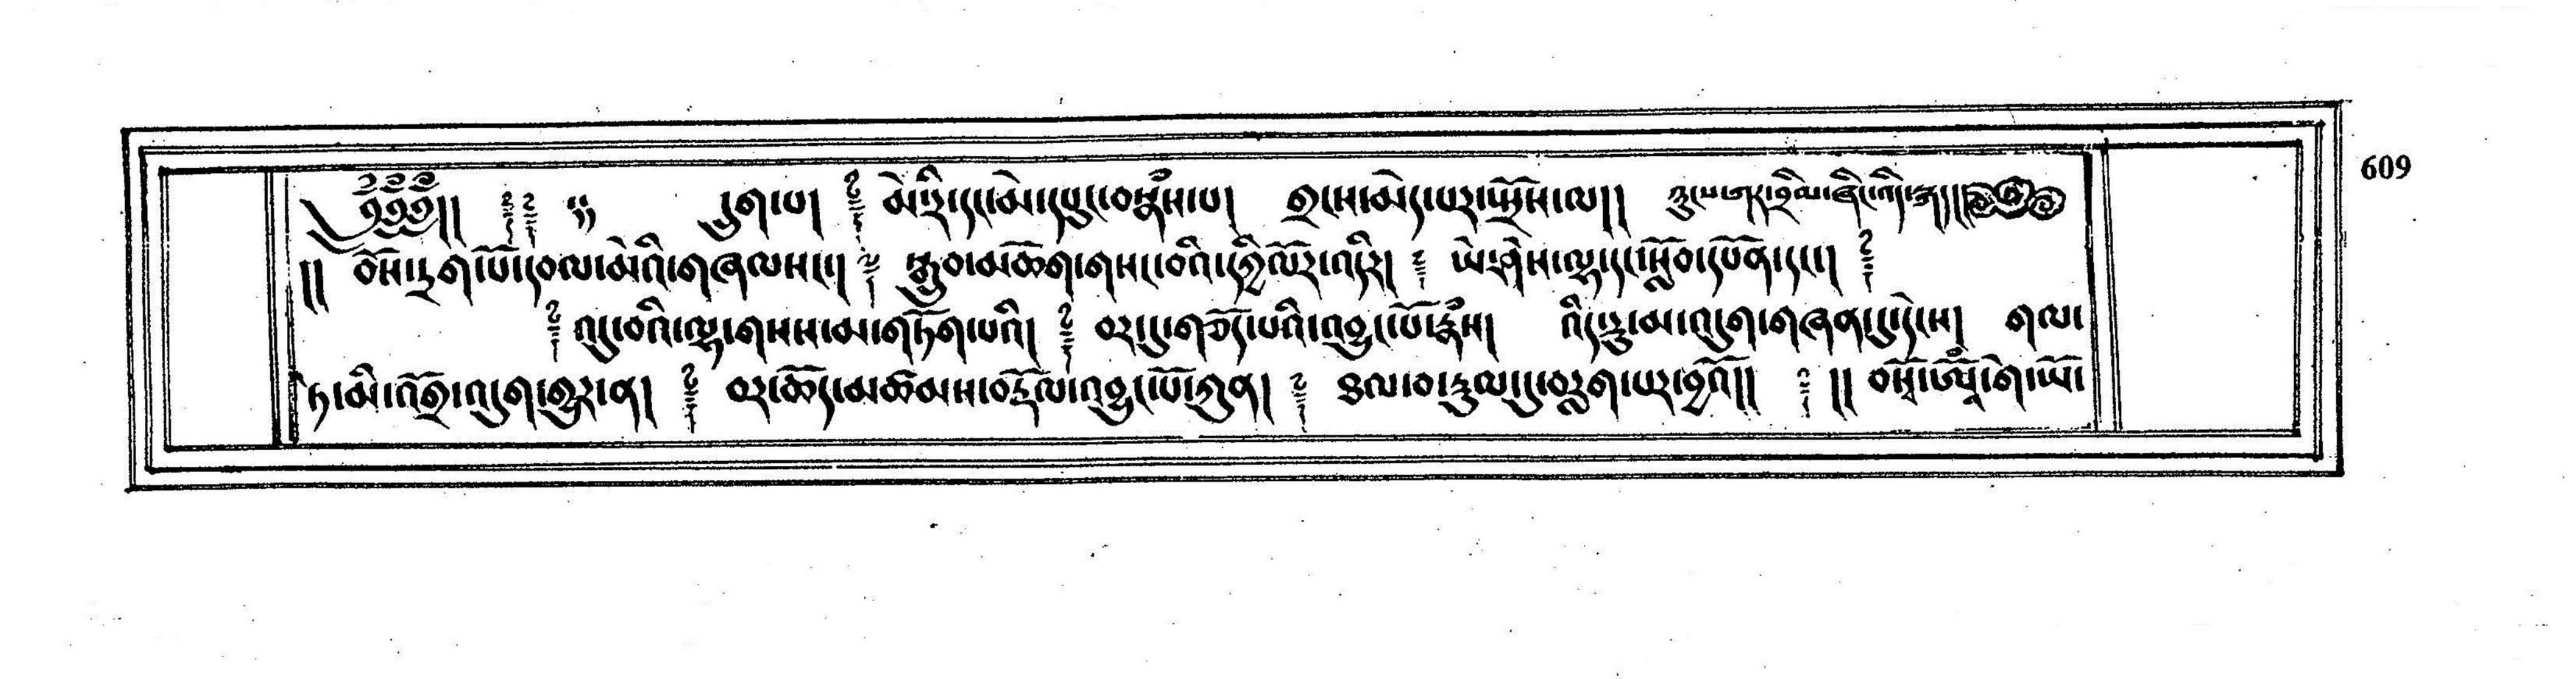དྲུག་པ། ༈ མེ་རི་དང་མེ་དཔུང་བསྣམས་པ། གྲངས་མེད་པར་སྤྲོས་ལ།། ཉུངས་ཀར་བྲིལ་ཞིང་འདི་སྐད།།། །།
བསྭོ་དྲག་པོ་དབལ་མེའི་གཞལ་ཡས་ཁང་། ༈ སྒྲུབ་མཆོག་གསང་བའི་དཀྱིལ་འཁོར་འདིར། ༈ ཡེ་ཤེས་ལྷ་དང་སློབ་དཔོན་དང་། ༈ 
འདུ་བའི་ལྷ་གསས་མ་གཏོག་པའི། ༈ བར་དུ་གཅོད་པའི་འབྱུང་པོ་རྣམས། འདི་རུ་མ་འདུག་གཞན་དུ་དེངས། གལ་
ཏེ་མི་འགྲོ་འདུག་གྱུར་ན། ༈ བར་ཆོད་མཚམས་བརྡོལ་འབྱུང་པོ་ཀུན། ༈ ཐལ་བ་རྡུལ་དུ་བརླག་པར་བྱའོ།། ༈ །།བསྭོ་ཨཱོཾ་གེ་ཡོ་